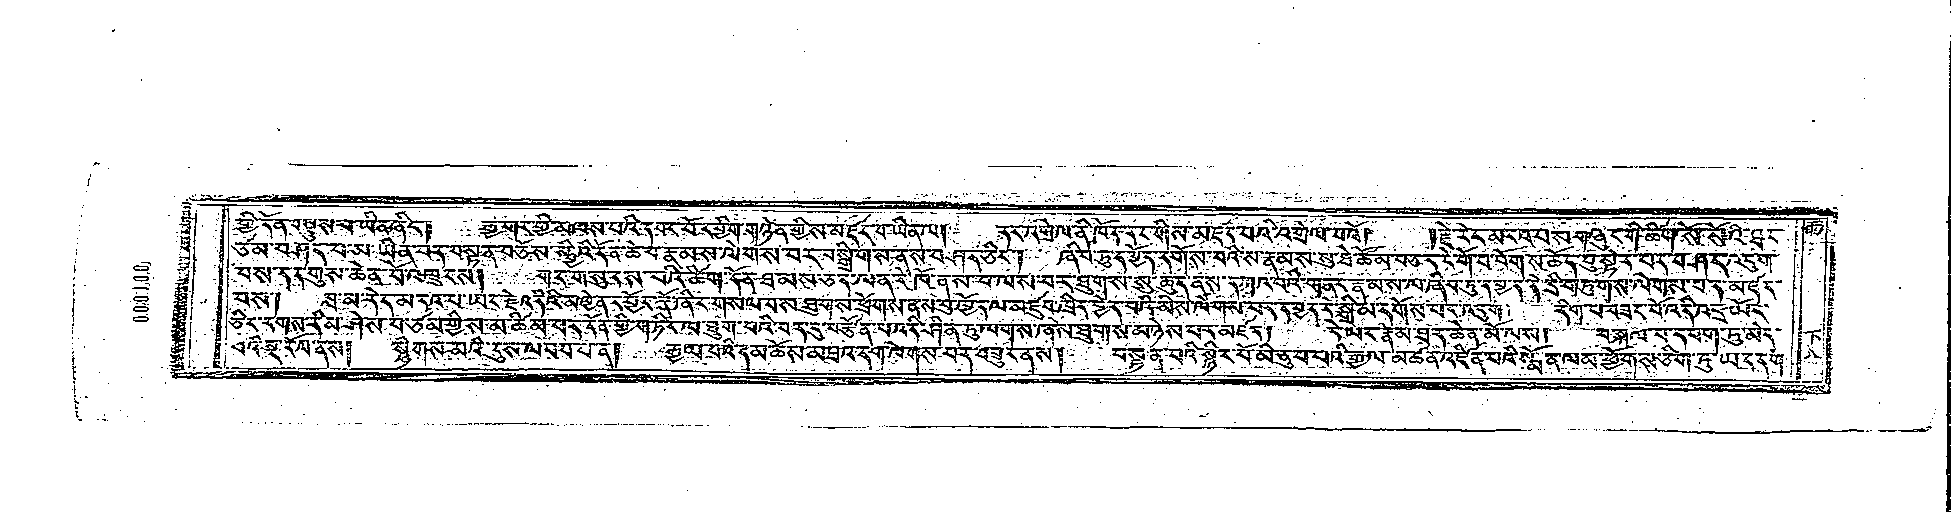གྱི་དོན་བསྡུས་པ་ཡིན་ཞིང་། རྒྱ་གར་གྱི་མཁས་པའི་དབང་པོ་དབྱིག་གཉེན་གྱིས་མཛད་པ་ཡིན་ལ། དར་འགྲེལ་ནི་ཁོང་རང་གིས་མཛད་པའི་འགྲེལ་བའོ། །རྗེ་རེང་མངའ་པས་གཞུང་གི་ཚིག་སོ་སོའི་ཐང་
ཙམ་བཤད་པ་མ་ཡིན་བར་བསྟན་བཅོས་སྤྱིའི་དོན་ཆེ་བ་རྣམས་ལེགས་བར་བསྒྲིགས་ནས་བཤད་ཅིང་། ཞིབ་ཏུ་དཔྱོད་དགོས་བའི་ས་རྣམས་སུ་ཐེ་ཚོམ་བཅད་དེ་གོ་བ་བོགས་ཆོད་བུ་སྟེར་པར་བཤད་འདུག་
པས་དད་གུས་ཆེན་བོ་འཁྲུངས། གང་གསུངས་བའི་ཚིག་དོན་ཐམས་ཅད་ལན་རེ་ཁོ་ནས་བ་ལས་བར་ཐུགས་སུ་ཆུད་ནས་དཀའ་བའི་གནད་རྣམས་ལ་ཞི་བ་ཏུ་དཔྱ་ད་དེ་དྲི་གཏུགས་ལེགས་པར་མཛད་
བས། བླ་མ་རེད་མདའ་པ་ཡང་རྗེ་འདིའི་མཁྱེན་དཔྱོད་རྣོ་ཞིང་གསལ་བས་ཐུགས་ཕྲོགས་ནས་བུ་ཁྱོད་ལ་མཛུབ་ཁྲིད་བྱེད་བའི་མིས་ལེགས་བར་དཔྱད་དེ་སྒྲིམ་དགོས་པར་འདུག། རིག་པ་བཟང་པོ་འདི་འདྲ་ཡོད་
ཅིང་རགས་རིམ་ཤེས་པ་ཙམ་གྱིས་མ་ཚིམ་པར་དོན་གྱི་གཏིང་ལ་ཐུག་པའི་བར་དུ་བརྩོན་པ་འདི་ཤིན་ཏུ་ལགས་ཞེས་ཐུགས་མཉེས་པར་མཛད། དེ་ཡང་རྣམ་ཐར་ཆེན་མོ་ལས། བསྐལ་པ་དཔག་ཏུ་མེད་
པའི་སྔ་རོལ་ནས། སྙིགས་མའི་དུས་ལ་བབ་པ་ན། རྒྱལ་བའི་དམ་ཆོས་མཐའ་དག་ལེགས་པར་བཟུང་ནས། བསྟན་བའི་སྙིང་པོ་མི་ནུབ་པའི་རྒྱལ་མཚན་འཛིན་པའི་སྨོན་ཕྱོགས་ཅིག་ཏུ་ཡང་དག་